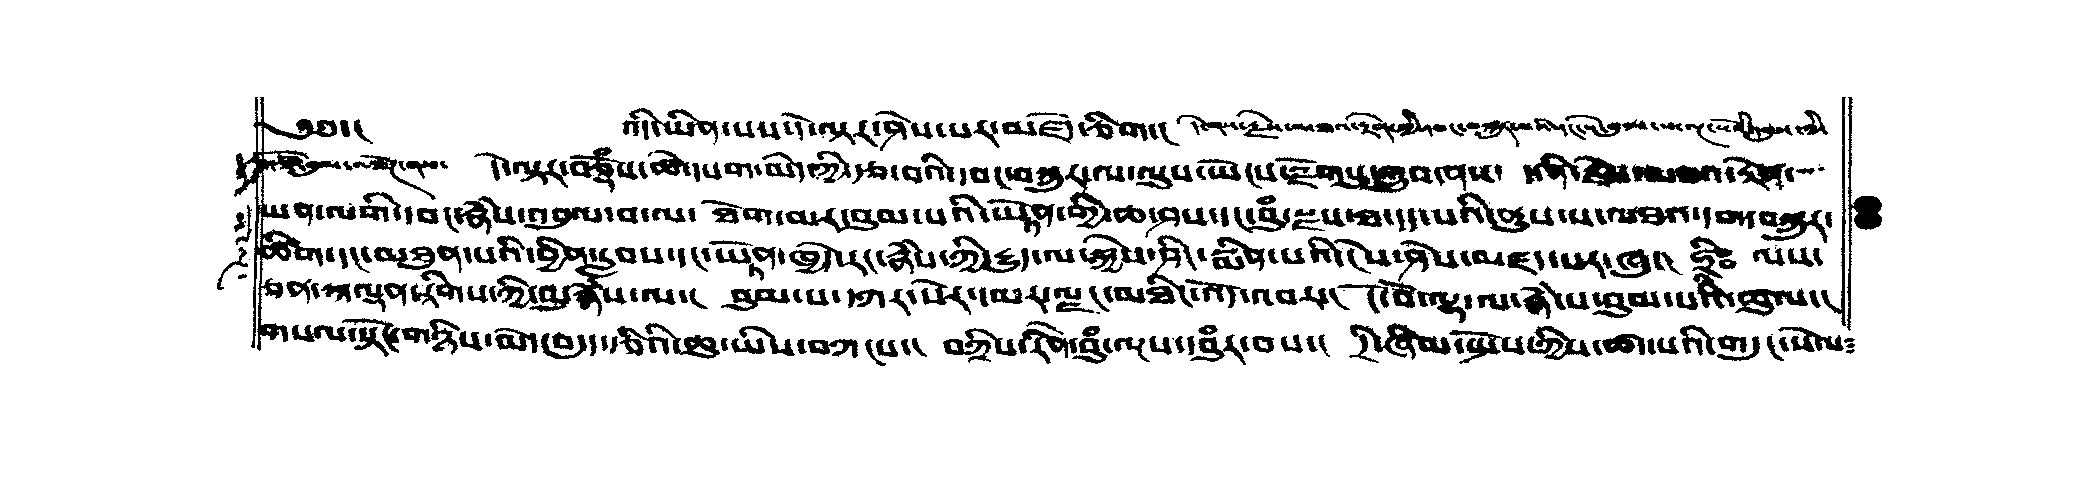འདི་ཡིན་པས་དེ་ལྟར་ཤེས་པར་མཛོད་ཅིག དེ་ནས་རྗེས་མཐའ་རྟེན་གྱི་དབང་བསྐུར་བའི་དང་པོ་བུམ་པ་ལྔ་པོའི་དབུས་ཀྱི་
གཙོ་བུམ་འཐོགས་ན།དེ་ལྟར་བཙོམ་ལྡན་འདས་ཚེ་དཔག་མེད་ཀྱི་རྩ་བའི་དབང་བསྐུར་མ་ལུས་ཡོངས་རྫོགས་སུ་གྲུབ་ནས། ད་ནི་ཇརེས་མཐའ་རྟེན་
ཡན་ལག་གི་དབང་རྣམས་འབུལ་བ་ལ། ཐོག་མར་བུམ་པའི་ཡོན་ཏན་གྱི་ཆ་ཤས་དང་བུམ་རྫས་ཐ་དད་པའི་ནུས་པ་མཐའ་དག་བསྐུར་
ཚིག་དག་མཐུན་པའི་བྱིན་རླབས་དང་ཡོན་ཏན་ཁྱེད་རང་རྣམས་ཀྱི་རྒྱུད་ལ་སྐྱེས་ཤིང་སྨིན་པའི་ངེས་ཤེས་མཛད་པར་ཞུ། ཧྲཱིཿ ལས་
ཅན་སྐལ་ལྡན་རིགས་ཀྱི་མུ་རྣམས་ལ། བུམ་པ་དཀར་སེར་དམར་ལྗང་མཐིང་འོད་འབར། ངོ་བོ་ལྷ་ལ་རྨ་པ་བུམ་པའི་ཚུལ། 
གསལ་སྟོང་གཉིས་མེད་བདུད་རྩིའི་ཆུ་ཡིས་བཀངས། བཀྲ་ཤིས་རིན་ཆེན་བུམ་ལྔས་དབང་བསྐུར་བས། དྲི་ཞིམ་སྤོས་ཀྱི་ཚད་པའི་གདུང་སེལ་